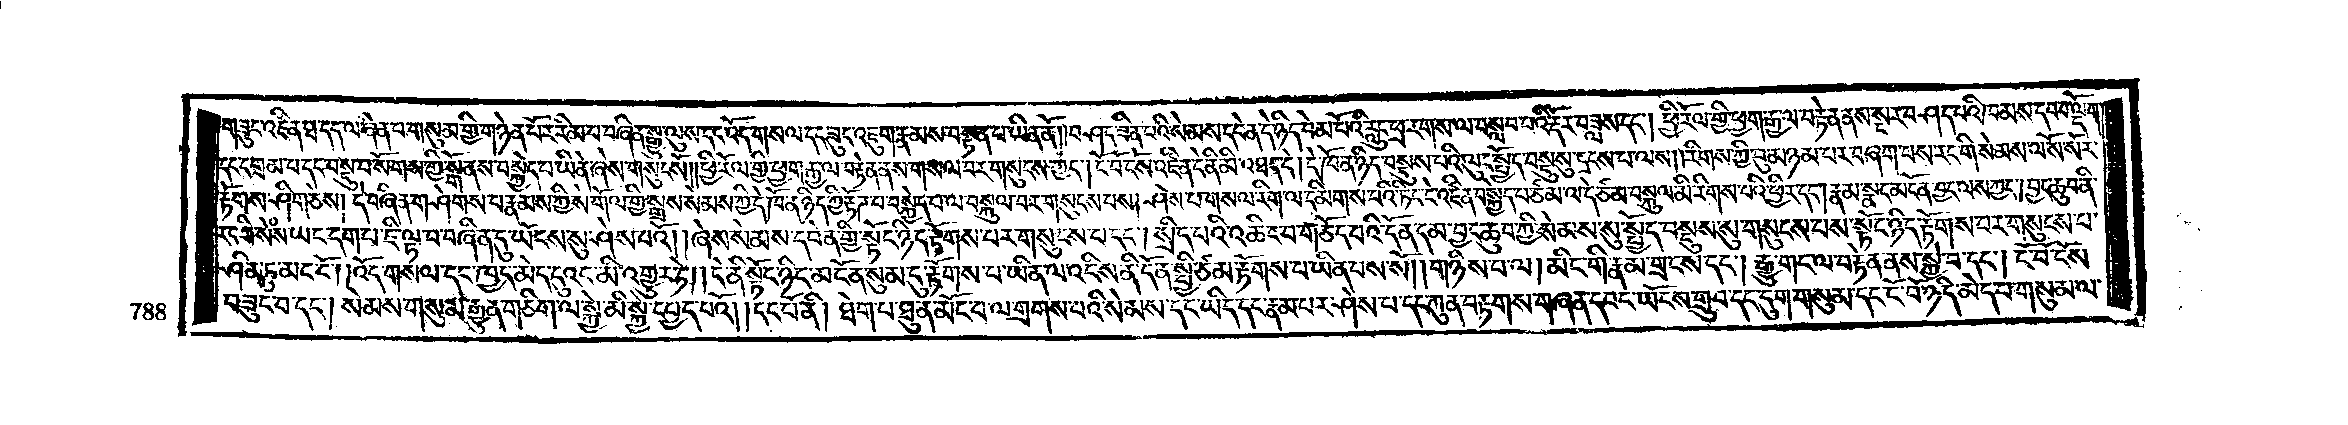གཟུང་འཛིན་ཐ་དད་ལ་ཞེན་པ་གསུམ་གྱི་གཉེན་པོར་རིམ་པ་བཞིན་སྒྱུ་ལུས་དང་འོད་གསལ་དང་ཟུང་འཇུག་རྣམས་བསྟན་པ་ཡིན་ནོ། །བཤད་ཟིན་པའི་སེམས་དབེན་དེ་ཉིད་བེམ་པོའི་རླུང་ཕྲ་རགས་ལ་བསླབ་པའི་རྡོར་བཟླས་དང་། ཕྱི་རོལ་གྱི་ཕྱག་རྒྱ་ལ་བརྟེན་ནས་སྔར་བཤད་པའི་ཁམས་དབབ་ལྡོག་
དང་དགྲམ་པ་དང་བསྡུ་བ་སོགས་ཀྱི་སྒོ་ནས་བསྐྱེད་པ་ཡིན་ནོ་ཞེས་གསུངས་སོ། །ཕྱི་རོལ་གྱི་ཕྱག་རྒྱ་ལ་བརྟེན་ནས་གསལ་བར་གསུངས་ཀྱང་། ངོ་བོ་ངོས་འཛིན་དེ་ནི་མི་འཐད་དེ། དེ་ཁོ་ན་ཉིད་བསྡུས་པའི་ལུང་སྤྱོད་བསྡུས་སུ་དྲངས་པ་ལས། རིགས་ཀྱི་བུ་མཉམ་པར་བཞག་པས་རང་གི་སེམས་ལ་སོ་སོར་
རྟོགས་ཤིག་ཅེས། དེ་བཞིན་གཤེགས་པ་རྣམས་ཀྱི་སེ་གོལ་གྱི་སྒྲས་སེམས་ཀྱི་དེ་ཁོ་ན་ཉིད་ཀྱི་རྟོགས་པ་བསྐྱེད་པ་ལ་བསྐུལ་བར་གསུངས་པས། ཤེས་པ་གསལ་རིག་ལ་དམིགས་པའི་ཏིང་ངེ་འཛིན་བསྐྱེད་པ་ཙམ་ལ་དེ་ཙམ་བསྐུལ་མི་རིགས་པའི་ཕྱིར་དང་། རྣམ་སྣང་མངོན་བྱང་ལས་ཀྱང་། བྱང་ཆུབ་ནི་
རང་གི་སེམས་ཡང་དག་པ་ཇི་ལྟ་བ་བཞིན་དུ་ཡོངས་སུ་ཤེས་པའོ། །ཞེས་སེམས་དབེན་གྱི་སྟོང་ཉིད་རྟོགས་པར་གསུངས་པ་དང་། སྲིད་པའི་འཆིང་བ་གཅོད་པའི་དོན་དམ་བྱང་ཆུབ་ཀྱི་སེམས་སུ་སྤྱོད་བསྡུས་སུ་གསུངས་པས་སྟོང་ཉིད་རྟོགས་པར་གསུངས་པ་
ཤིན་ཏུ་མང་ངོ། །འོད་གསལ་དང་ཁྱད་མེད་དུའང་མི་འགྱུར་ཏེ། །དེ་ནི་སྟོང་ཉིད་མངོན་སུམ་དུ་རྟོགས་པ་ཡིན་ལ་འདིས་ནི་དོན་སྤྱི་ཙམ་རྟོགས་པ་ཡིན་པས་སོ། །གཉིས་པ་ལ། མིང་གི་རྣམ་གྲངས་དང་། རྒྱུ་གང་ལ་བརྟེན་ནས་སྐྱེ་བ་དང་། ངོ་བོ་ངོས་
བཟུང་བ་དང་། སེམས་གསུམ་རྒྱུན་གཅིག་ལ་སྐྱེ་མི་སྐྱེ་དཔྱད་པའོ། །དང་པོ་ནི། ཐེག་པ་ཐུན་མོང་པ་ལ་གྲགས་པའི་སེམས་དང་ཡིད་དང་རྣམ་པར་ཤེས་པ་དང་ཀུན་བརྟགས་གཞན་དབང་ཡོངས་གྲུབ་དང་དུག་གསུམ་དང་ངོ་བོ་ཉིད་མེད་པ་གསུམ་ལ་